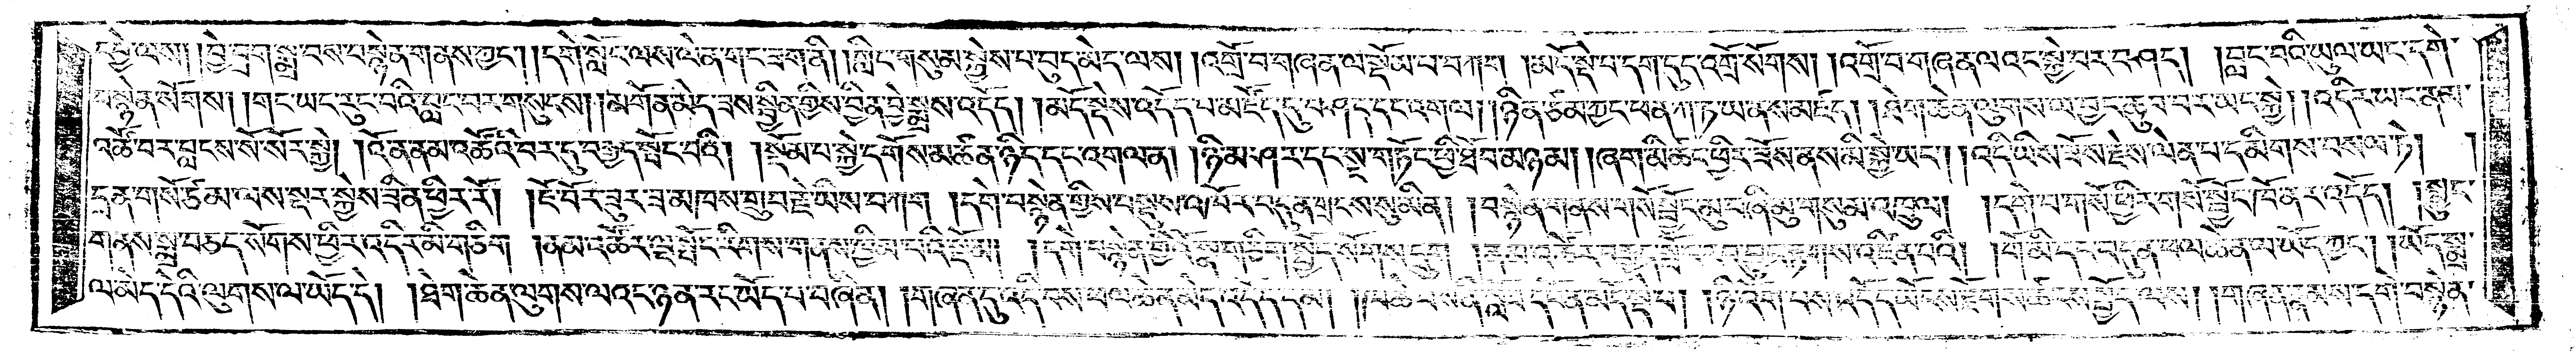དབྱེ་ལས། །བྱེ་བྲག་སྨྲ་བས་བསྙེན་གནས་ཀྱང་། །དགེ་སློང་ལས་ལེན་གང་ཟག་ནི། །གླིང་གསུམ་སྐྱེས་པ་བུད་མེད་ལས། །འགྲོ་བ་གཞན་ལ་སྔོམ་པ་བཀག །མདོ་སྡེ་པ་དག་དུད་འགྲོ་སོགས། །འགྲོ་བ་གཞན་ལའང་སྐྱེ་བར་བཤད། །བླང་བའི་ཡུལ་ཡང་དགེ་
བསྙེན་སོགས། །གང་ཡང་རུང་བའི་བླང་བར་གསུངས། །མགོན་མེད་ཟས་སྦྱིན་གྱིས་བྱིན་བྱེ་སྨྲས་འདོད། །མདོ་སྡེས་འདོད་པ་མ་ཛོད་དུ་བཤད་དང་འགལ། །ཉིན་ཚམ་ཀྱང་ཕན་ཀ་ཏ་ཡ་ནས་མཛད། །ཐེག་ཆེན་ལུགས་ལ་བྱང་ཆུབ་བར་ཡང་སྐྱེ། །འདིར་ཡང་ནམ་
འཚོ་བར་བླངས་སོ་སོར་སྐྱེ། །འོ་ན་ནམ་འཚོའི་བར་དུ་བརྒྱད་སྤོང་བའི། །སྔོམ་པ་སྐྱེ་དགོས་མཚན་ཉིད་དང་འགལ་ན། །ཉི་མ་ཤར་དང་སྔ་གཏོང་ཕྱི་ཐོབ་མཉམ། །ཞག་མི་ཚད་ཕྱིར་ཟོས་ནས་མི་སྐྱེ་ཡང་། །འདི་ཡིས་ཟོས་རྗེས་ལེན་པ་དམིགས་བསལ་ཏེ།
དྲན་གསོ་ཙམ་ལས་སྔར་སྐྱེས་ཟིན་ཕྱིར་རོ། །ཇོ་བོར་ཟུར་ཟ་མཁས་གྲུབ་རྗེ་ཡིས་བཀག །དགེ་བསྙེན་གྱིས་བསྡུས་འཁོར་བདུན་གྲངས་སུ་མིན། །བསྙེན་གནས་གསོ་སྦྱོང་མུ་བཞི་མུ་གསུམ་འཁྲུལ། །དགེ་བ་གསོ་ཕྱིར་གསོ་སྦྱོང་ཁོ་ནར་འདོད། །སྦྱུང་
གནས་སྨྲ་བཅད་སོགས་ཕྱིར་འདིར་མི་གཅིག །ནམ་འཚོར་ལྔ་སྤོང་རིགས་གནས་ཁྱིམ་པའི་སྡོམ། །དགེ་བསྙེན་གྱིའོ་སྣ་གཅིག་སྤྱོད་སོགས་དྲུག །ནམ་འཚོར་བརྒྱད་སྤོང་རབ་བྱུང་རྟགས་འཛིན་པའི། །གོ་མི་དང་བདུན་ཕལ་ཆེན་ལ་ཡོད་ཀྱང་། །ཡོད་སྨྲ་
ལ་མེད་དེའི་ལུགས་ལ་ཡོད་དེ། །ཐེག་ཆེན་ལུགས་ལའང་ཉན་རང་ཡོད་པ་བཞིན། །གཞན་དུ་འདི་བས་ཕལ་ཆེན་མེད་འདོད་དམ། །ཁ་ཆེ་བས་ནི་སློབ་དཔོན་མདོ་སྡེ་པ། །ཉི་འོག་པས་འདོད་ཡོངས་རྫོགས་ཚངས་སྤྱོད་ལས། །གཞན་རྣམས་དགེ་བསྙེན་